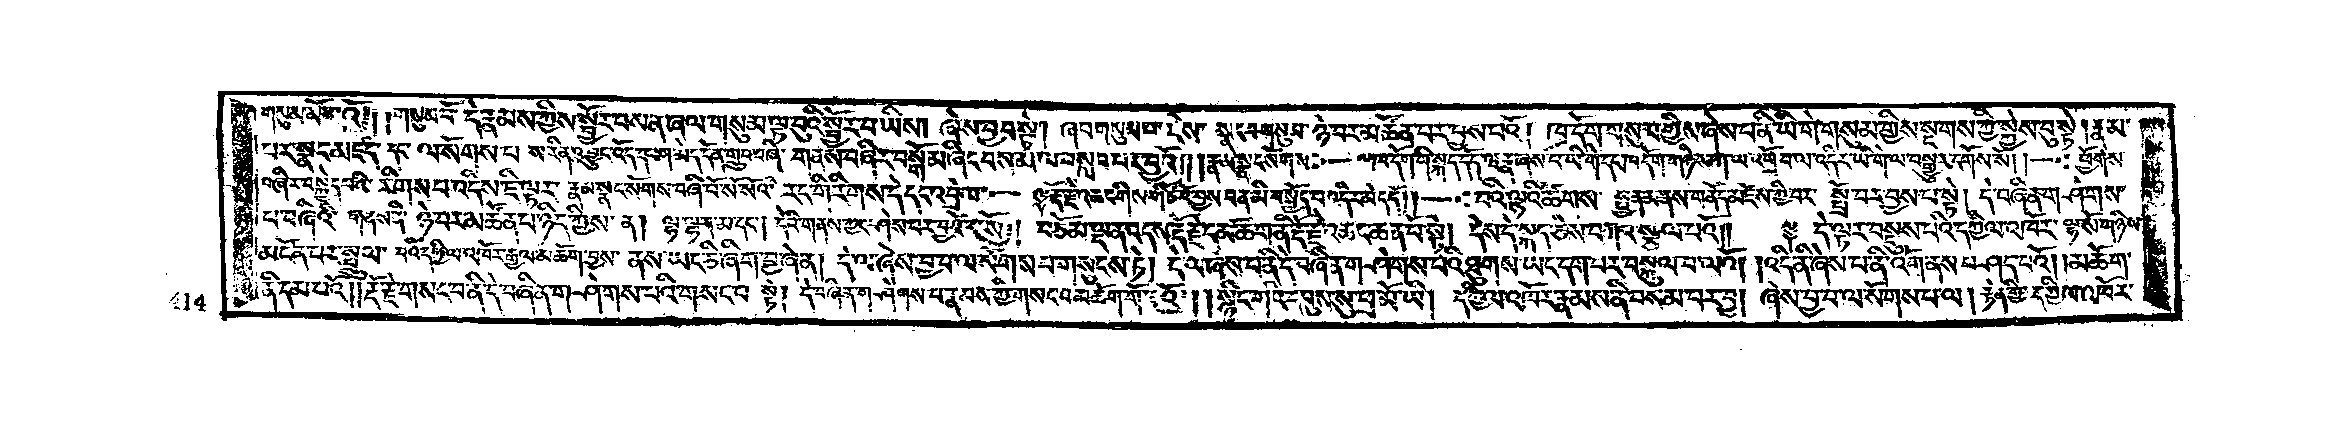གསུམ་མོ་འོ། ། གསུམ་པོ་དེ་རྣམས་ཀྱིས་སྦྱོར་བས་ན་ཞལ་གསུམ་ལྟ་བུའི་སྦྱོར་བ་ཡིས། ཞེས་བྱ་བ་སྟེ། ཞལ་གསུམ་པ་དེས་སྣང་བ་གསུམ་ཉེ་བར་མཚོན་པར་བྱས་པའོ། ཁ་དོག་གསུམ་གྱིས་ཞེས་པ་ནི་ཡི་གེ་གསུམ་གྱིས་སྔགས་ཀྱི་སྐྱེས་བུ་སྟེ། རྣམ་
པར་སྣང་མཛད་དང་ལ་སོགས་པས་རིན་འབྱུང་འོད་དཔག་མེད་དོན་གྲུབ་བཞི་གནས་བཞིར་བསྒོམ་ཞིང་བསམ་ལ་བསླབ་པར་བྱའོ། །རྣམ་སྣང་སོགས་H.་༧ཁ་དོག་གི་སྐད་དོད་ཝ་རྣ་ཞེས་པ་ཡི་གེ་དང་ཁ་དོག་གཉིས་ཀ་ལ་འགྲོ་བ་ལ་འདིར་ཡི་གེ་ལ་བསྒྱུར་དགོས་སོ།། .H ཕྱོགས་
བཞིར་བསྐྱེད་པའི་རིགས་པ་འདིས་ཇི་ལྟར་རྣམ་སྣང་སོགས་བཞི་པ་སོ་སོའི་རང་གི་རིགས་དེ་དང་འབྲེལ་H.་༧རྡོ་རྗེ་འཆང་གིས་གཙོ་བོ་བྱས་པ་ནི་མི་བསྐྱོད་པ་འདིར་མེད་དོ།།  .H བའི་ལྷའི་ཚོགས་སྤྱན་མ་ནས་གནོད་མཛེས་ཀྱི་བར་སྤྲོ་བར་བྱས་པ་སྟེ། དེ་བཞིན་གཤེགས་
པ་བཞིའི་གནས་ནི་ཉེ་བར་མཚོན་པ་ཉིད་ཀྱིས་ན། ལྷ་ལྷག་མ་དང་། དེའི་གནས་ཀྱང་ཤེས་པར་བྱའོ་སོ། བཅོམ་ལྡན་འདས་རྡོ་རྗེ་དམ་ཚིག་ནི་རྡོ་རྗེ་འཆང་ཆེན་པོ་སྟེ། དེས་དེ་སྐད་ཅེས་བཀའ་སྩལ་པའོ།། ༈ དེ་ལྟར་བསྡུས་པའི་དཀྱིལ་འཁོར་ལྷ་སོ་གཉིས
མངོན་པར་སྤྲུལ་པའི་དཀྱིལ་འཁོར་རྒྱལ་མཆོག་བྱས་ནས་ཡང་ཅི་ཞིག་བྱ་ཞེ་ན། དེ་ལ་ཞེས་བྱ་བ་ལ་སོགས་པ་གསུངས་ཏེ། དེ་ལ་ཞེས་པ་ནི་དེ་བཞིན་གཤེགས་པའི་ཐུགས་ཡང་དག་པར་བསྐུལ་བ་ལའོ། །འདི་ནི་ཞེས་པ་ནི་འོག་ནས་བཤད་པའོ། །མཆོག་
ནི་དམ་པའོ། །རྡོ་རྗེ་གསང་བ་ནི་དེ་བཞིན་གཤེགས་པའི་གསང་བ་སྟེ། དེ་བཞིན་གཤེགས་པ་རྣམས་ཀྱི་གསང་བ་མཆོག་གོ་འོ། །སྙིང་གའི་དབུས་སུ་ཕྲ་མོ་ཡི། དཀྱིལ་འཁོར་རྣམས་ནི་བསམ་པར་བྱ། ཞེས་བྱ་བ་ལ་སོགས་པ་ལ། རྟེན་གྱི་དཀྱིལ་འཁོར་